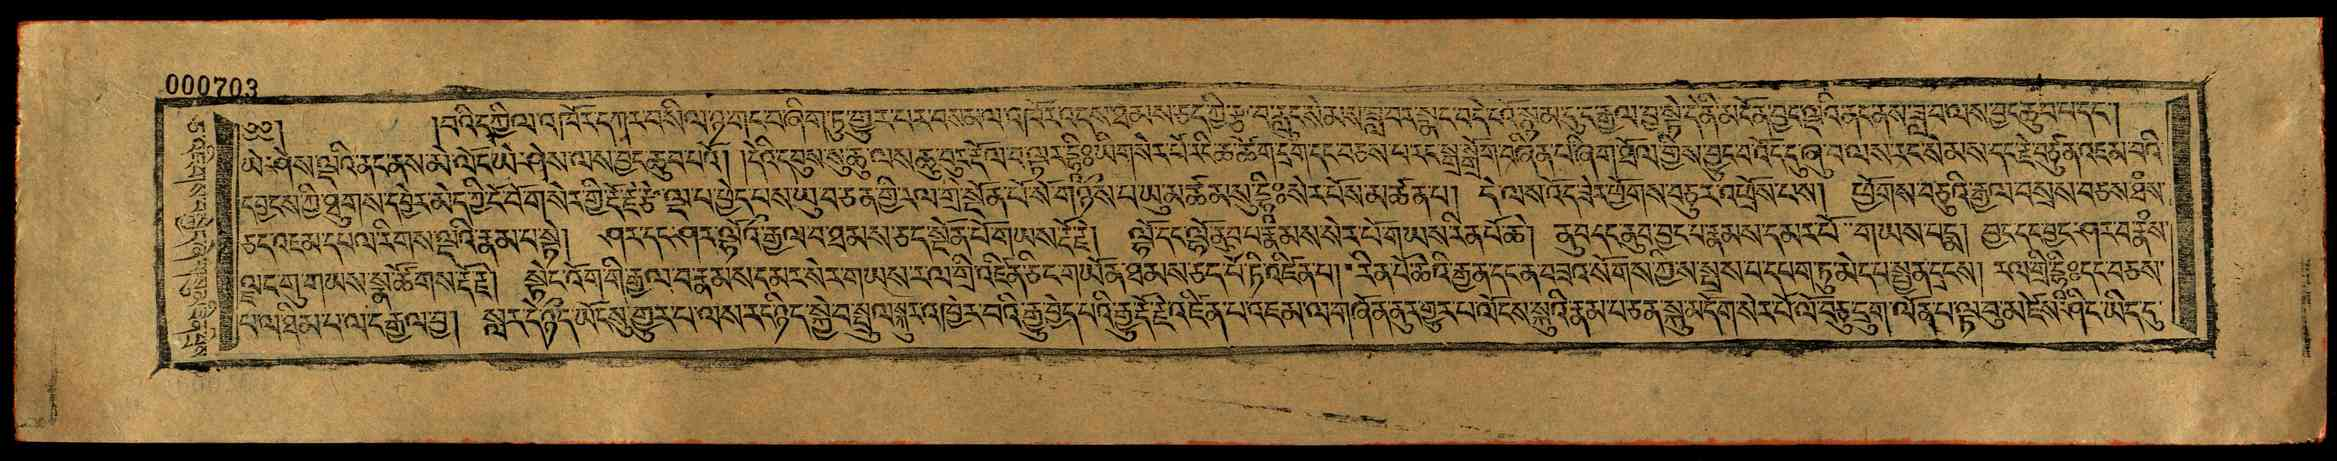༄༅། །བའི་དཀྱིལ་འཁོར་དཀར་བསིལ་ཉ་གང་བ་ཞིག་ཏུ་གྱུར་པར་བསམ་ལ་འཁོར་འདས་ཐམས་ཅད་ཀྱི་རྩ་བ་རླུང་སེམས་ཟླ་བར་སྣང་བ་དེ་ངའོ་སྙམ་དུ་ང་རྒྱལ་བྱ་སྟེ་དེ་ནི་མངོན་བྱང་ལྔའི་ནང་ནས་ཟླ་བ་ལས་བྱང་ཆུབ་པ་དང་།
ཡེ་ཤེས་ལྔའི་ནང་ནས་མེ་ལོང་ཡེ་ཤེས་ལས་བྱང་ཆུབ་པའོ། །དེའི་དབུས་སུ་ཆུ་ལས་ཆུ་བུར་རྡོལ་པ་ལྟར་དྷཱིཿ ཡིག་སེར་པོ་རིང་ཆ་ཆོག་དྲག་དང་བཅས་པ་རང་སྒྲ་སྒྲོག་བཞིན་པ་ཞིག་ཐོལ་གྱིས་བྱུང་བ་འོད་དུ་ཞུ་བ་ལས་རང་སེམས་དང་རྗེ་བཙུན་འཇམ་པའི་
དབྱངས་ཀྱི་ཐུགས་དབྱེར་མེད་ཀྱི་ངོ་བོ་གསེར་གྱི་རྡོ་རྗེ་རྩེ་ལྔ་པ་ཕྱེད་པས་ཡུ་བ་ཅན་གྱི་རལ་གྲི་སྔོན་པོ་སོ་གཉིས་པ་ཡུ་མཚམས་སུ་དྷཱིཿ སེར་པོས་མཚན་པ། དེ་ལས་འོད་ཟེར་ཕྱོགས་བཅུར་འཕྲོས་པས། ཕྱོགས་བཅུའི་རྒྱལ་བ་སྲས་བཅས་ཐཾས་
ཅད་འཇམ་དཔལ་རིགས་ལྔའི་རྣམ་པ་སྟེ། ཤར་དང་ཤར་ལྷོའི་རྒྱལ་བ་ཐམས་ཅད་སྔོན་པོ་གཡས་རྡོ་རྗེ། ལྷོ་དང་ལྷོ་ནུབ་པ་རྣམས་སེར་པོ་གཡས་རིན་པོ་ཆེ། ནུབ་དང་ནུབ་བྱང་པ་རྣམས་དམར་པོ་གཡས་པདམ། བྱང་དང་བྱང་ཤར་པ་རྣཾས་
ལྗང་གུ་གཡས་སྣ་ཚོགས་རྡོ་རྗེ། སྟེང་འོག་གི་རྒྱལ་བ་རྣམས་དམར་སེར་གཡས་རལ་གྲི་འཛིན་ཅིང་གཡོན་ཐམས་ཅད་པོ་ཏི་འཛིན་པ། རིན་པོ་ཆེའི་རྒྱན་དང་ན་བཟའ་སོགས་ཀྱིས་སྤྲས་པ་དཔག་ཏུ་མེད་པ་སྤྱན་དྲངས། རལ་གྲི་དྷཱིཿ དང་བཅས་
པ་ལ་ཐིམ་པ་ལ་ང་རྒྱལ་བྱ། སླར་དེ་ཉིད་ཡོངས་སུ་གྱུར་པ་ལས་རང་ཉིད་སྐྱེ་བ་སྤྲུལ་སྐུར་འཁྱེར་བའི་རྒྱུ་བྱེད་པའི་རྒྱུ་རྡོ་རྗེ་འཛིན་པ་འཇམ་དཔལ་གཞོན་ནུར་གྱུར་པ་ལོངས་སྐུའི་རྣམ་པ་ཅན་སྐུ་མདོག་སེར་པོ་ལོ་བཅུ་དྲུག་ལོན་པ་ལྟ་བུ་མཛེས་ཤིང་ཡིད་དུ་